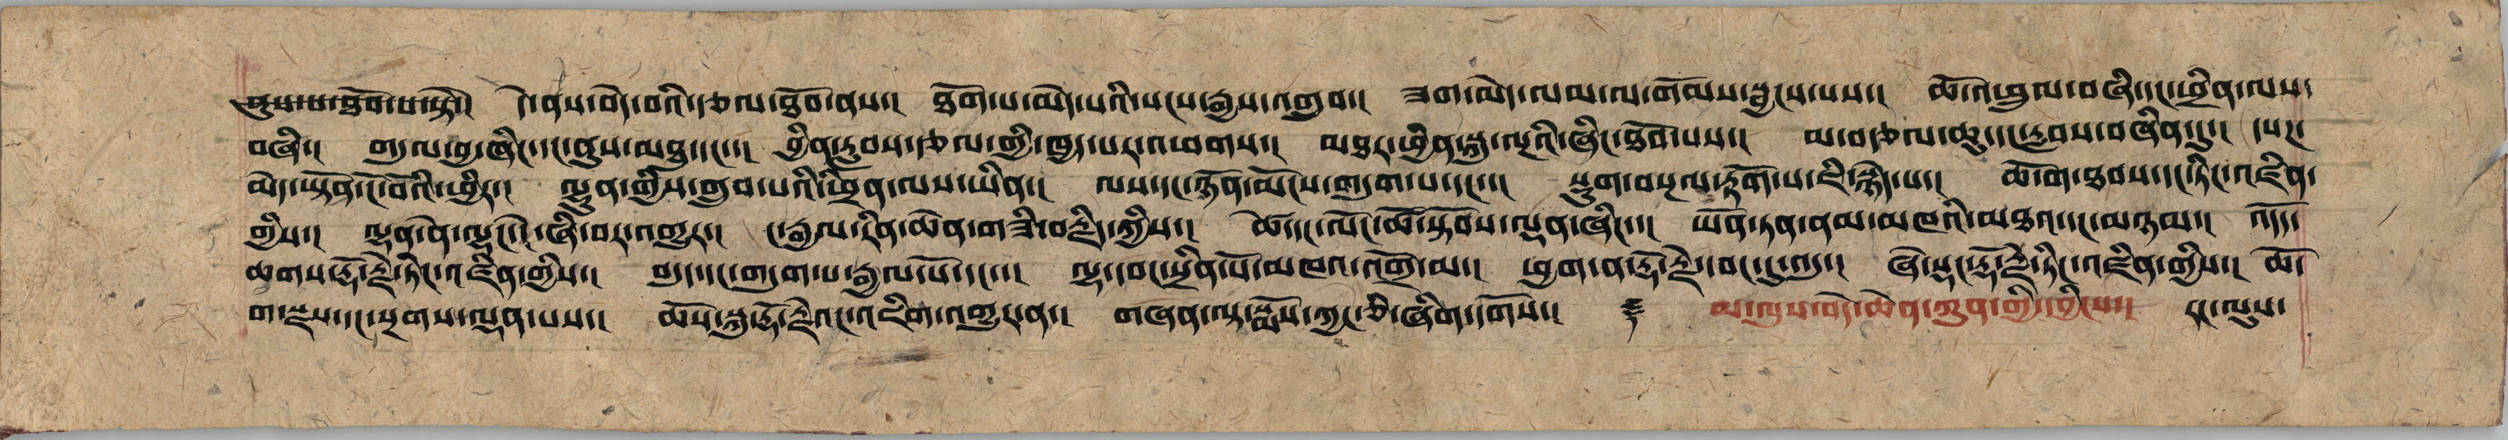ནུས་པ་ཐོབ་པ་སྟེ་། དེ་ནས་བདེ་བའི་རྩལ་ཐོབ་ནས་། ཐོག་པ་མེད་པའི་སངས་རྒྱས་འགྲུབ་། ཟག་མེད་ལམ་ལ་གོམས་སྦྱངས་པས་། ཆོ་འཕྲུལ་བཞི་དང་ཕྲིན་ལས་
བཞི་། གདུལ་བྱ་ཞིང་དང་ནུས་མཐུ་དང་་། བྱིན་རླབས་རྩལ་གྱི་ཁྱད་པར་འཕགས་། མཐར་ཕྱིན་སྐུ་ལྔའི་ཞིང་ཐོབ་པས་། མ་བརྩལ་ཆུ་དང་རླབས་བཞིན་དུ་། དཔཌ་
མེད་ཡྟོན་ངོ་བོའི་ཕྱིར་། ལྷུན་གྱིས་གྲུབ་པའི་ཕྲིན་ལས་ཡིན་། ལས་དང་ཉོན་མོངས་གདུག་པ་དང་་། སྡུག་བསྔལ་རྟོག་པ་ཇི་སྙེད་པ་། ཆོ་ག་ཐབས་དང་ཏིང་འཛིན་
གྱིས་། ལྷན་ནེ་ལྷང་ངེ་ཞི་བར་འགྱུར་། ང་རྒྱལ་རིན་ཆེན་གཟི་བརྗིད་ཀྱིས་། ཚེ་དང་ལོང་ཚོ་སྟོབས་ལྡན་ཞིང་་། ཡོན་ཏན་ནམ་མཁའི་མཐའ་དང་མཉམ་། འདོད་
ཆགས་རྡོ་རྗེ་ཏིང་འཛིན་གྱིས་། བདུད་དང་གདུག་པ་རྒྱལ་པོ་དང་་། ལྷ་དབང་སྲིན་པོ་མཁའ་འགྲོ་མ་། ཕྱག་ན་རྡོ་རྗེ་དབང་དུ་འདུ་། ཞེ་སྡང་རྡོ་རྗེ་ཏིང་འཛིན་གྱིས་། ཆོ་
ག་སྫས་དང་སྔགས་ལྡན་པས་། ཆོས་སྐུ་རྡོ་རྗེའང་འཇིག་འགྱུར་ན་། གཞན་ལྟ་སྨོས་ཀྱང་ཅི་ཞིག་དགོས་། ༈ མ་ལུས་བདེ་ཆེན་ཀུན་གྱི་དབྱིངས་། རང་ལུས་